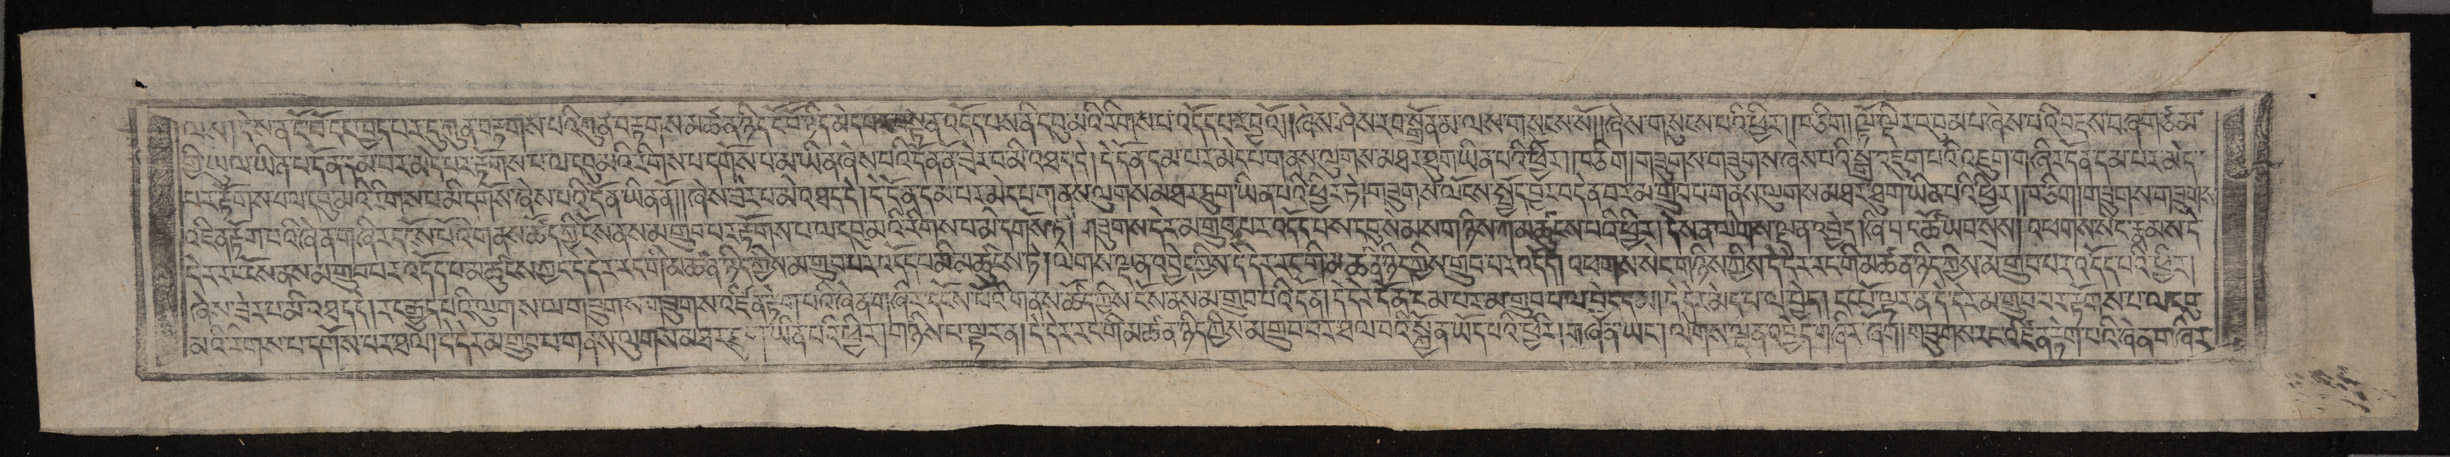ལས། དེས་ན་ངོ་བོ་དང་ཁྱད་པར་དུ་ཀུན་བརྟགས་པའི་ཀུན་བརྟགས་མཚན་ཉིད་ངོ་བོ་ཉིད་མེད་པར་བསྟན་འདོད་པས་ནི་དབུ་མའི་རིགས་པ་འདོད་པར་བྱའོ། །ཞེས་ཤེས་རབ་སྒྲོན་མ་ལས་གསུངས་སོ། །ཞེས་གསུངས་པའི་ཕྱིར། ཁ་ཅིག། ལྟོ་ལྡིར་བ་བུམ་པ་ཞེས་པའི་བརྡས་བཞག་ཙམ་
གྱི་ཡུལ་ཡིན་པ་དོན་དམ་པར་མེད་པར་རྟོགས་པ་ལ་དབུ་མའི་རིགས་པ་དགོས་པ་མ་ཡིན་ཞེས་པའི་དོན་ནོ་ཟེར་བ་མི་འཐད་དེ། དེ་དོན་དམ་པར་མེད་པ་གནས་ལུགས་མཐར་ཐུག་ཡིན་པའི་ཕྱིར། ཁ་ཅིག། གཟུགས་གཟུགས་ཞེས་པའི་སྒྲ་འཇུག་པའི་འཇུག་གཞིར་དོན་དམ་པར་མེད་
པར་རྟོགས་པར་?་དབུ་མའི་རིགས་པ་མི་དགོས་ཞེས་པའི་དོན་ཡིན་ནོ། །ཞེས་ཟེར་བ་མི་འཐད་དེ། དེ་དོན་དམ་པར་མེད་པ་གནས་ལུགས་མཐར་ཐུག་ཡིན་པའི་ཕྱིར་ཏེ། གཟུགས་ལོངས་སྤྱད་བྱར་བདེན་པར་མ་གྲུབ་པ་གནས་ལུགས་མཐར་ཐུག་ཡིན་པའི་ཕྱིར། ཁ་ཅིག། གཟུགས་གཟུགས་
འཛིན་རྟོག་པའི་ཞེན་གཞིར་དངོས་པོའི་གནས་ཚོད་ཀྱི་ངོས་ནས་མ་གྲུབ་པར་རྟོགས་པ་ལ་དབུ་མའི་རིགས་པ་མི་དགོས་ཏེ། གཟུགས་དེར་མ་གྲུབ་པར་འདོད་པ་ལ་དབུ་སེམས་གཉིས་ཀ་མཚུངས་པའི་ཕྱིར། དེས་ན་ལེགས་ལྡན་འབྱེད། ཞི་བ་འཚོ་ཡབ་སྲས། འཕགས་སེང་རྣམས་དེ་
དེར་རང་ངོས་ནས་མ་གྲུབ་པར་འདོད་པ་མཚུངས་ཀྱང་དེ་དེར་རང་གི་མཚན་ཉིད་ཀྱིས་མ་གྲུབ་པར་འདོད་པ་མི་མཚུངས་ཏེ། ལེགས་ལྡན་འབྱེད་ཀྱིས་དེ་དེར་རང་གི་མཚན་ཉིད་ཀྱིས་གྲུབ་པར་འདོད། འཕགས་སེང་གཉིས་ཀྱིས་དེ་དེར་རང་གི་མཚན་ཉིད་ཀྱིས་མ་གྲུབ་པར་འདོད་པའི་ཕྱིར།
ཞེས་ཟེར་བ་མི་འཐད་དེ། རང་རྒྱུད་པའི་ལུགས་ལ་གཟུགས་གཟུགས་འཛིན་རྟོག་པའི་ཞེན་གཞིར་དངོས་པོའི་གནས་ཚོད་ཀྱིས་ངོས་ནས་མ་གྲུབ་པའི་དོན། དེ་དེར་དོན་དམ་པར་མ་གྲུབ་པ་ལ་བྱེད་དམ། དེ་དེར་མེད་པ་ལ་བྱེད་། དང་པོ་ལྟར་ན་དེ་དེར་མ་གྲུབ་པར་རྟོགས་པ་ལ་དབུ་
མའི་རིགས་པ་དགོས་པར་ཐལ། དེ་དེར་མ་གྲུབ་པ་གནས་ལུགས་མཐར་ཐུག་ཡིན་པའི། གཉིས་པ་ལྟར་ན། དེ་དེར་རང་གི་མཚན་ཉིད་ཀྱིས་མ་གྲུབ་པར་ཐལ་བའི་སྐྱོན་ཡོད་པའི་ཕྱིར། གཞན་ཡང་། ལེགས་ལྡན་འབྱེད་གཞིར་ཞོག། གཟུགས་རང་འཛིན་རྟོག་པའི་ཞེན་གཞིར་